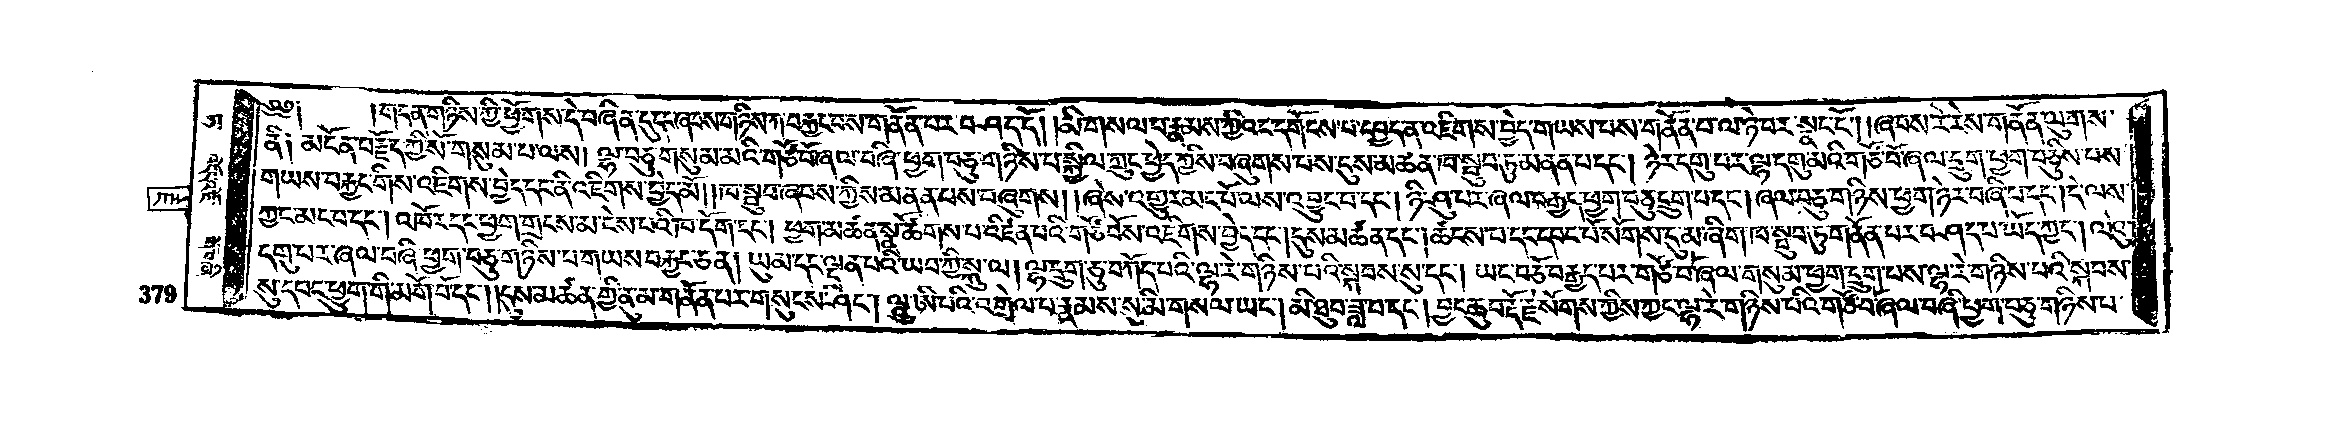༄༅། །གདན་གཉིས་ཀྱི་ཕྱོགས་དེ་བཞིན་དུ་དང་ཞབས་གཉིས་ཀ་བརྐྱང་བས་གནོན་པར་བཤད་དོ། །མི་གསལ་བ་རྣམས་ཀྱིའང་དགོངས་པ་དཔྱད་ན་འཇིགས་བྱེད་གཡས་པས་གནོན་པ་ལ་ཉེ་བར་སྣང་ངོ། །ཞབས་རེ་རེས་གནོན་ལུགས་
ནི། མངོན་བརྗོད་ཀྱི་སོ་གསུམ་པ་ལས། ལྷ་བཅུ་གསུམ་མའི་གཙོ་བོ་ཞལ་བཞི་ཕྱག་བཅུ་གཉིས་པ་སྐྱིལ་ཀྲུང་ཕྱེད་ཀྱིས་བཞུགས་པས་དུས་མཚན་ཁ་སྦུབ་ཏུ་མནན་པ་དང་། ཉེར་དགུ་པར་ལྷ་དགུ་མའི་གཙོ་བོ་ཞལ་དྲུག་ཕྱག་བཅུ་གཉིས་པས་
གཡས་བརྐྱང་གིས་འཇིགས་བྱེད་དང་ནི་འཇིགས་བྱེད་མོ། །ཁ་སྦུབ་ཞབས་ཀྱིས་མནན་པས་བཞུགས། །ཞེས་འགྱུར་མང་པོ་ལས་འབྱུང་བ་དང་། ཉི་ཤུ་པར་ཞལ་བརྒྱད་ཕྱག་བཅུ་དྲུག་པ་དང་། ཞལ་བཅུ་གཉིས་ཕྱག་ཉེར་བཞི་པ་དང་། དེ་ལས་
ཀྱང་མང་བ་དང་། འཁོར་དང་ཕྱག་གྲངས་མ་ངེས་པའི་ཁ་དོག་དང་། ཕྱག་མཚན་སྣ་ཚོགས་པ་འཛིན་པའི་གཙོ་བོས་འཇིགས་བྱེད་དང་། དུས་མཚན་དང་། ཚངས་པ་དང་དབང་པོ་སོགས་དུ་མ་ཞིག་ཁ་སྦུབ་ཏུ་གནོན་པར་བཤད་པ་ཡོད་ཀྱང་། ལེའུ་
དགུ་པར་ཞལ་བཞི་ཕྱག་བཅུ་གཉིས་པ་གཡས་བརྐྱང་ཅན། ཡུམ་དང་ལྡན་པའི་ཡབ་ཀྱི་སྐུ་ལ། ལྷ་དྲུག་ཅུ་བཀོད་པའི་ལྷ་རེ་གཉིས་པའི་སྐབས་སུ་དང་། ཡང་བཅོ་བརྒྱད་པར་གཙོ་བོ་ཞལ་གསུམ་ཕྱག་དྲུག་པས་ལྷ་རེ་གཉིས་པའི་སྐབས་
སུ་དབང་ཕྱུག་གི་མགོ་བོ་དང་། །དུས་མཚན་གྱི་ནུ་མ་གནོན་པར་གསུངས་ཤིང་། ལཱུ་ཨི་པའི་འགྲེལ་པ་རྣམས་སུ་མི་གསལ་ཡང་། མི་ཐུབ་ཟླ་བ་དང་། བྱང་ཆུབ་རྡོ་རྗེ་སོགས་ཀྱིས་ཀྱང་ལྷ་རེ་གཉིས་པའི་གཙོ་བོ་ཞལ་བཞི་ཕྱག་བཅུ་གཉིས་པ་